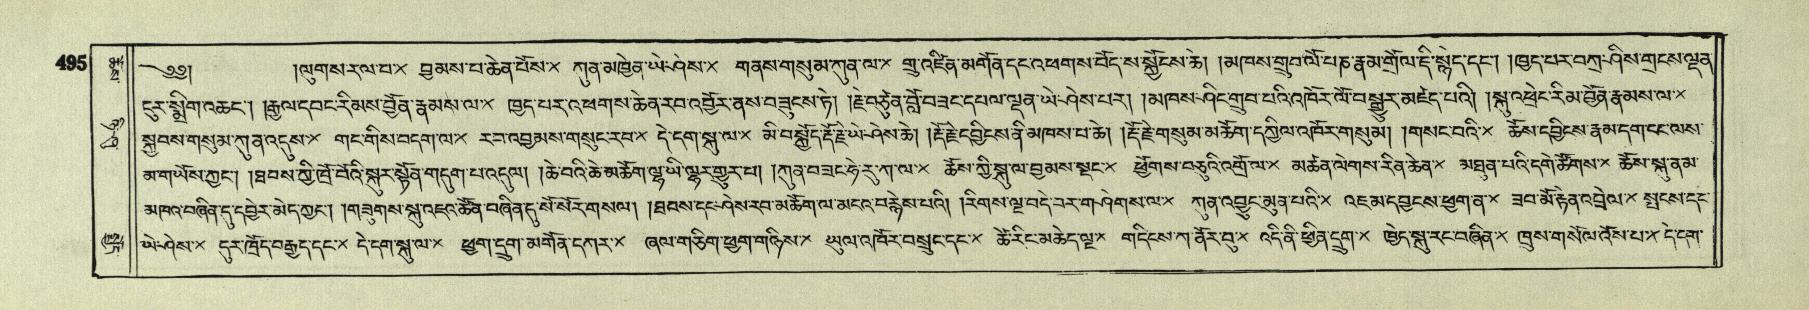༄༅། །ལུགས་རལ་པ་྾་བྱམས་པ་ཆེན་པོས་྾་ཀུན་མཁྱེན་ཡེ་ཤེས་྾་གནས་གསུམ་ཀུན་ལ་྾་གྲུ་འཛིན་མགོན་དང་འཕགས་བོད་ས་སྐྱོངས་ཆེ། །མཁས་གྲུབ་ལོ་པཎ་རྣམ་གྲོལ་ཇི་སྙེད་དང་། །ཁྱད་པར་བཀྲ་ཤིས་གྲངས་ལྡན་
དུར་སྨྲིག་འཆང་། །རྒྱལ་དབང་རིམས་བྱོན་རྣམས་ལ་྾་ཁྱད་པར་འཕགས་ཆེན་རབ་འབྱོར་ནས་བཟུངས་ཏེ། །རྗེ་བཙུན་བློ་བཟང་དཔལ་ལྡན་ཡེ་ཤེས་པར། །མཁས་ཤིང་གྲུབ་པའི་འཁོར་ལོ་བསྒྱུར་མཛད་པའི། །སྐུ་འཕྲེང་རིམ་བྱོན་རྣམས་ལ་྾་
སྐྱབས་གསུམ་ཀུན་འདུས་྾་གང་གིས་བདག་ལ་྾་རབ་འབྱམས་གསུང་རབ་྾་དེ་དག་སྐུ་ལ་྾་མི་བསྐྱོད་རྡོ་རྗེ་ཡེ་ཤེས་ཆེ། །རྡོ་རྗེ་དབྱིངས་ནི་མཁས་པ་ཆེ། །རྡོ་རྗེ་གསུམ་མཆོག་དཀྱིལ་འཁོར་གསུམ། །གསང་བའི་྾་ཆོས་དབྱིངས་རྣམ་དག་ངང་ལས་
མ་གཡོས་ཀྱང་། །ཐབས་ཀྱི་ཁྲོ་བོའི་སྐུར་སྟོན་གདུག་པ་འདུལ། །ཆེ་བའི་ཆེ་མཆོག་ལྷ་ཡི་ལྷར་གྱུར་པ། །ཀུན་བཟང་ཧེ་རུ་ཀ་ལ་྾་ཆོས་ཀྱི་སྐུ་ལ་བྱམས་སྡང་྾་ཕྱོགས་བཅུའི་འགྲོ་ལ་྾་མཚན་ལེགས་རིན་ཆེན་྾་མཐུན་པའི་དགེ་ཚོགས་྾་ཆོས་སྐུ་ནམ་
མཁའ་བཞིན་དུ་དབྱེར་མེད་ཀྱང་། །གཟུགས་སྐུ་འཇའ་ཚོན་བཞིན་དུ་སོ་སོར་གསལ། །ཐབས་དང་ཤེས་རབ་མཆོག་ལ་མངའ་བརྙེས་པའི། །རིགས་ལྔ་བདེ་བར་གཤེགས་ལ་྾་ཀུན་འབྱུང་མུན་པའི་྾་འཇམ་དབྱངས་ཕྱག་ན་྾་ཟབ་མོ་རྟེན་འབྲེལ་྾་སྤངས་དང་
ཡེ་ཤེས་྾་དུར་ཁྲོད་བརྒྱད་དང་྾་དེ་དག་སྐུ་ལ་྾་ཕྱག་དྲུག་མགོན་དཀར་྾་ཞལ་གཅིག་ཕྱག་གཉིས་྾་ཡུལ་འཁོར་བསྲུང་དང་྾་ཚེ་རིང་མཆེད་ལྔ་྾་གདིངས་ཀ་ནོར་བུ་྾་འདི་ནི་ཕྱིན་དྲུག་྾་ཁྱེད་སྐུ་རང་བཞིན་྾་ཁྲུས་གསོལ་འོས་པ་྾་དེ་དག་